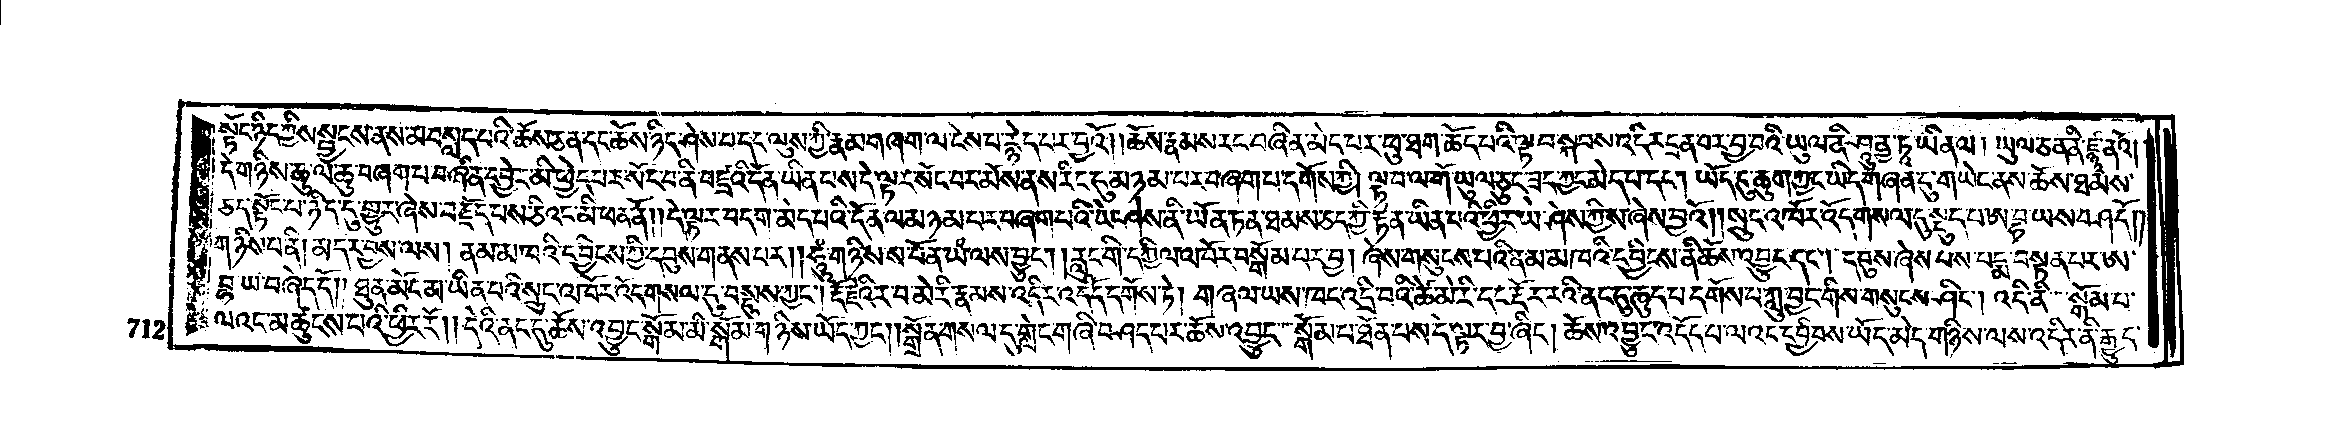སྟོང་ཉིད་ཀྱིས་སྦྱངས་ནས་མ་བསླད་པའི་ཆོས་ཅན་དང་ཆོས་ཉིད་ཤེས་པ་དང་ལུས་ཀྱི་རྣམ་གཞག་ལ་ངེས་པ་རྙེད་པར་བྱའོ། །ཆོས་རྣམས་རང་བཞིན་མེད་པར་ཕུ་ཐག་ཆོད་པའི་ལྟ་བ་སྐབས་འདིར་དྲན་པར་བྱ་བའི་ཡུལ་ནི་ཤཱུ་ནྱ་ཏཱ་ཡིན་ལ། ཡུལ་ཅན་ནི་ཛྙཱ་ནའོ། །
དེ་གཉིས་ཆུ་ལ་ཆུ་བཞག་པ་བཞིན་དབྱེར་མི་ཕྱེད་པར་སོང་བ་ནི་བཛྲའི་དོན་ཡིན་པས་དེ་ལྟར་སོང་བར་མོས་ནས་རིང་དུ་མཉམ་པར་བཞག་པ་དགོས་ཀྱི། ལྟ་བ་ལ་གོ་ཡུལ་ཅུང་ཟད་ཀྱང་མེད་པ་དང་། ཡོད་དུ་ཆུག་ཀྱང་ཡིད་གཞན་དུ་གཡེང་ནས་ཆོས་ཐམས་
ཅད་སྟོང་པ་ཉིད་དུ་གྱུར་ཞེས་བརྗོད་པས་ཅིའང་མི་ཕན་ནོ། །དེ་ལྟར་བདག་མེད་པའི་དོན་ལ་མཉམ་པར་བཞག་པའི་ཡེ་ཤེས་ནི་ཡོན་ཏན་ཐམས་ཅད་ཀྱི་རྟེན་ཡིན་པའི་ཕྱིར་ཡེ་ཤེས་ཀྱིས་ཞེས་བྱའོ། །སྲུང་འཁོར་འོད་གསལ་དུ་སྡུད་པ་ཨ་བྷ་ཡས་བཤད་དོ། །
གཉིས་པ་ནི། མདོར་བྱས་ལས། ནམ་མཁའི་དབྱིངས་ཀྱི་དབུས་གནས་པར། །ཧཱུཾ་གཉིས་ས་བོན་ཡཾ་ལས་བྱུང་། །རླུང་གི་དཀྱིལ་འཁོར་བསྒོམ་པར་བྱ། ཞེས་གསུངས་པའི་ནམ་མཁའི་དབྱིངས་ནི་ཆོས་འབྱུང་དང་། དབུས་ཞེས་པས་པདམ་བསྟན་པར་ཨ་
བྷ་ཡ་བཞེད་དོ། །ཐུན་མོང་མ་ཡིན་པའི་སྲུང་འཁོར་འོད་གསལ་དུ་བསྡུས་ཀྱང་། རྡོ་རྗེའི་ར་བ་མེ་རི་རྣམས་འདིར་འདོད་དགོས་ཏེ། གཞལ་ཡས་ཁང་འདྲི་བའི་ཚེ་མེ་རི་དང་རྡོར་རའི་ནང་དུ་ཆུད་པ་དགོས་པ་ཀླུ་བྱང་གིས་གསུངས་ཤིང་། འདི་ནི་སྒོམ་པ་
ལའང་མཚུངས་པའི་ཕྱིར་རོ། །དེའི་ནང་དུ་ཆོས་འབྱུང་སྒོམ་མི་སྒོམ་གཉིས་ཡོད་ཀྱང་། །སྒྲོན་གསལ་དུ་གླེང་གཞི་བཤད་པར་ཆོས་འབྱུང་སྒོམ་པ་ཐོན་པས་དེ་ལྟར་བྱ་ཞིང་། ཆོས་འབྱུང་འདོད་པ་ལའང་དབྱིབས་ཡོད་མེད་གཉིས་ལས་འདིར་ནི་རྒྱུད་